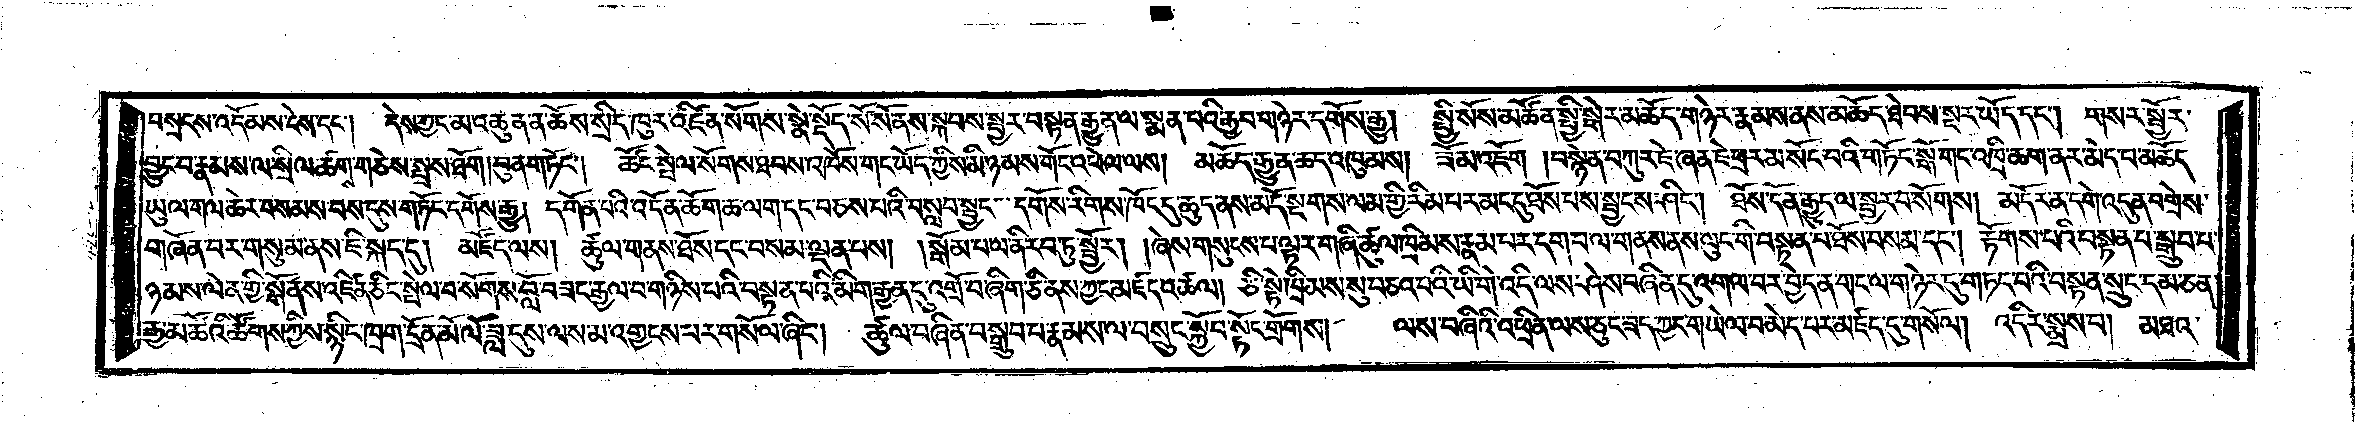བསྲངས་འདོམས་ངེས་དང་། དེས་ཀྱང་མ་འཆུན་ན་ཆོས་སྲིད་ཁུར་འཛིན་སོགས་སྣེ་སྡོད་སོ་སོ་ནས་སྐབས་སྦྱར་བསྟན་རྒྱུན་ལ་སྨན་བའི་རྒྱབ་གཉེར་དགོས་རྒྱུ། སྤྱི་སོས་མཚོན་སྤྱི་སྒེར་མཆོད་གཉེར་རྣམས་ནས་མཆོད་ཐེབས་སྔར་ཡོད་དང་། གསར་སྦྱོར་
བྱུང་བ་རྣམས་ལ་སྲིལ་ཚགས་གཅེས་སྤྲས་ཐོག །བུན་གཏོང་། ཚོང་སྦེལ་སོགས་ཐབས་འཁོས་གང་ཡོད་ཀྱིས་མི་ཉམས་གོང་འཕེལ་ལས། མཆོད་རྒྱུན་ཆད་འཁུམས། ཟོམ་འཇོག། བསྙེན་བཀུར་ཇེ་ཞན་ཇེ་ཕྲར་མ་སོང་བའི་གཏོང་སྒོ་གང་འཁྲི་ཆག་ནར་མེད་པ་མཆོད་
ཡུལ་གལ་ཆེར་བསམས་པས་དུས་གཏོང་དགོས་རྒྱུ། དགོན་པའི་འདོན་ཆོག་ཆ་ལག་དང་བཅས་པའི་བསླབ་སྦྱང་དགོས་རིགས་ཁོང་དུ་ཆུད་ནས་མདོ་སྔགས་ལམ་གྱི་རིམ་པར་མང་དུ་ཐོས་པས་སྦྱངས་ཤིང་། ཐོས་དོན་རྒྱུད་ལ་སྦྱར་བ་སོགས། མདོར་ན་དགེ་འདུན་བགྲེས་
གཞོན་བར་གསུམ་ནས་ཇི་སྐད་དུ། མཛོད་ལས། ཚུལ་གནས་ཐོས་དང་བསམ་ལྡན་པས། །སྒོམ་པ་ལ་ནི་རབ་ཏུ་སྦྱོར། །ཞེས་གསུངས་པ་ལྟར་གཞི་ཚུལ་ཁྲིམས་རྣམ་པར་དག་པ་ལ་གནས་ནས་ལུང་གི་བསྟན་པ་ཐོས་བསམ་དང་། རྟོགས་པའི་བསྟན་པ་སྒྲུབ་པ་
ཉམས་ལེན་གྱི་སྒོ་ནས་འཛིན་ཅིང་སྤེལ་བ་སོགས་བློ་བཟང་རྒྱལ་བ་གཉིས་བའི་བསྟན་པའི་མིག་རྒྱན་དུ་འགྲོ་བ་ཞིག་ཅི་ནས་ཀྱང་མཛད་འཚལ། ཅི་སྟེ་ཁྲིམས་སུ་བཅའ་བའི་ཡི་གེ་འདི་ལས་ཤེས་བཞིན་དུ་འགལ་བར་བྱེད་ན་གང་ལ་གཉེར་དུ་གཏང་བའི་བསྟན་སྲུང་དམ་ཅན་
རྒྱ་མཚོའི་ཚོགས་ཀྱིས་སྙིང་ཁྲག་དྲོན་མོ་ལོ་ཟླ་དུས་ལས་མ་འགྱངས་པར་གསོལ་ཞིང་། ཚུལ་བཞིན་བསྒྲུབ་པ་རྣམས་ལ་བསྲུང་སྐྱོབ་སྟོང་གྲོགས། ལས་བཞིའི་འཕྲིན་ལས་ཅུང་ཟད་ཀྱང་གཡེལ་བ་མེད་པར་མཛད་དུ་གསོལ། འདིར་སྨྲས་པ། མཐའ་